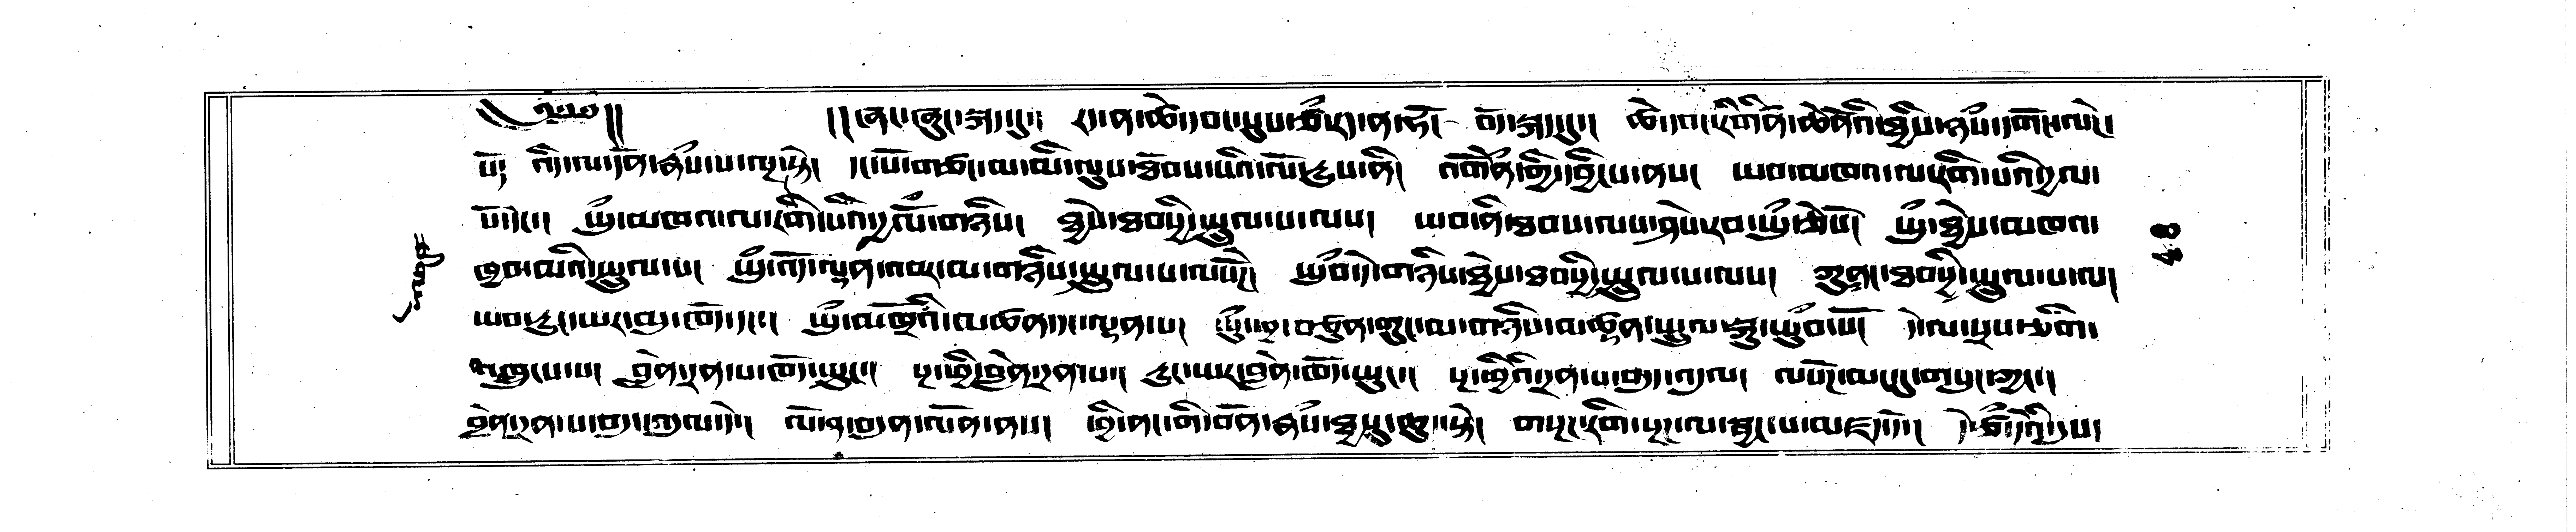༄༅།། །།ཞང་ཞུང་སྐད་དུ། རདྣ་ཚེ་དབང་པུ་ཙམ་རདྣ་ཧོ། བོད་སྐད་དུ། ཚེ་དབང་རིག་འཛིན་ཆེན་པོའི་ཐུགས་ཀྱི་ཉམས་དགོངས་ལེགས་
པོ། འདི་ལ་དོན་རྣམ་པ་ལྔ་སྟེ། དང་པོ་གཙང་མ་མི་ལུས་ཐོབ་པའི་ལོ་རྒྱུས་ནི། འོག་མིན་དབྱིངས་ནས། ཡབ་མཁའ་ལ་རིག་པའི་རྒྱལ་
པོ་དང་། ཡུམ་མཁའ་ལ་རིག་པའི་རྒྱལ་མོ་གཉིས། ཐུགས་རྗེ་ཐབས་ཀྱི་སྤྲུལ་པ་ལས། ཡབ་ནི་ཐབས་ལ་ཤེས་རབ་ཡུམ་ཅེས་སོ། ཡུམ་ཐུགས་རྗེ་མཁའ་
ཁྱབ་མའི་སྤྲུལ་པ། ཡུམ་འོད་ལྡན་འབར་མ་གཉིས་སྤྲུལ་པ་ལ་སོགས་ཏེ། ཡབ་ཡུམ་དེ་གཉིས་ཐུགས་རྗེ་ཐབས་ཀྱི་སྤྲུལ་པ་ལས། ཀུན་བཟང་ཐབས་ཀྱི་སྤྲུལ་པ་ལས། 
ཡབ་རྒྱུང་ཡར་མུ་ཁོད་དང་།ཡུམ་མཁའ་འགྲོ་མཚན་དང་ལྡན་པ། ཡུམ་ཕྱ་བཙུན་གུང་མ་གཉིས་མཚན་ལྡན་སྤྲུལ་སྐུ་ཡབ་ཡུམ་མོ། དེ་ལ་སྲས་གཅིག་
འཁྲུངས་པ། བླ་ཆེན་དྲན་པ་ཁོད་སྤུངས། སྔ་ཕྱི་བླ་ཆེན་དྲན་པ། རྒྱུང་ཡར་བླ་ཆེན་ཁོད་སྤུངས། སྔ་ཕྱིའི་དྲན་པ་བདུད་འདུལ། ལ་སོགས་མང་དུ་གསུངས་ཀྱང་།
བླ་ཆེན་དྲན་པ་བདུད་འདུལ་དེ། ལོ་ན་བདུན་ལོན་ནས། ཕྱི་ནང་གི་ཐུགས་སུ་ཆུད་དེ། གསང་སྔགས་རིགས་སྔགས་ལ་སྦྱངས་པ་མཛད་དེ། དེའི་ཚེ་དེའི་དུས་